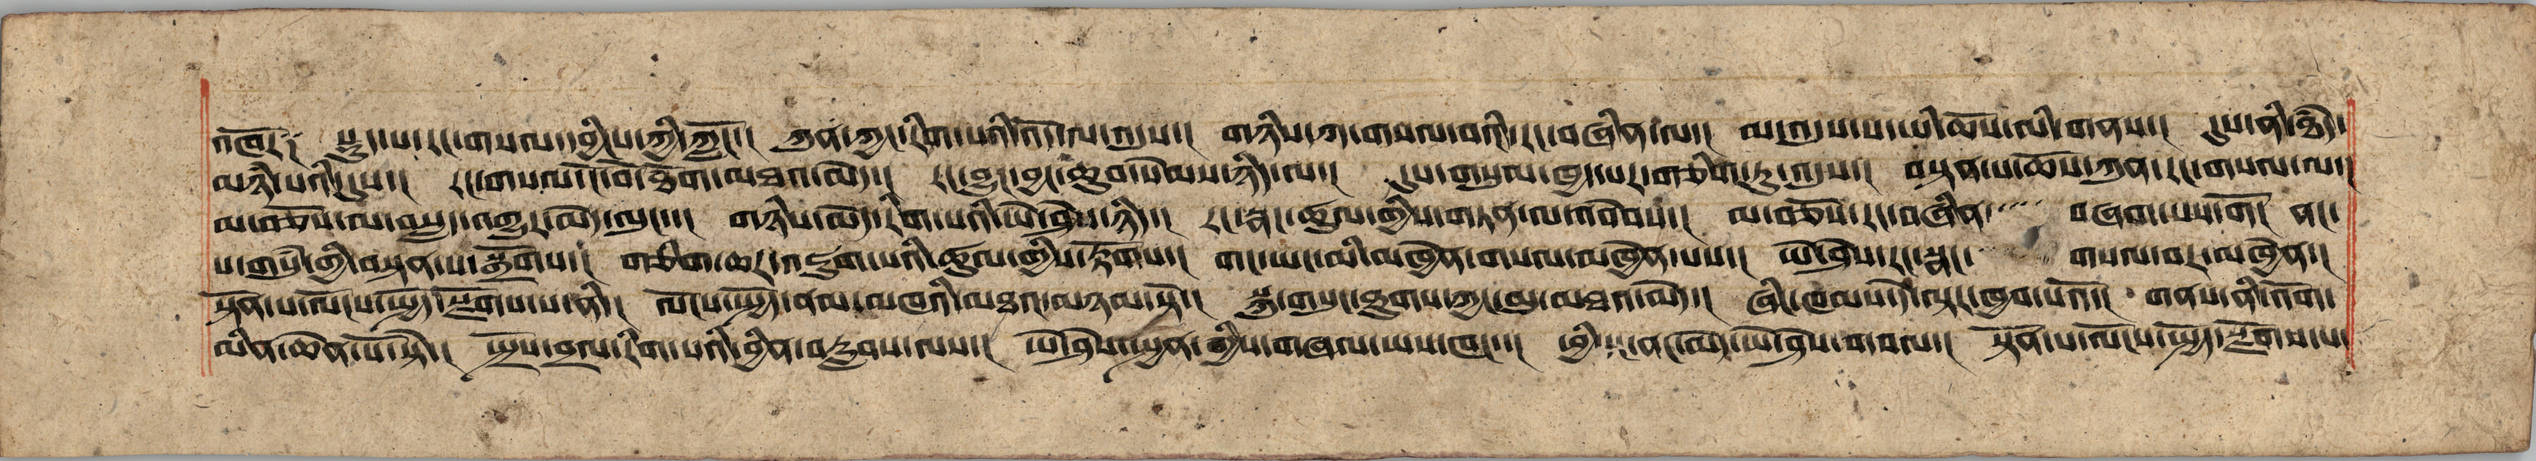འཁོར༑ སྡུད་པ་རང་གསལ་དབྱིངས་ཀྱི་ཀློང་་། ཀུ་ཀྱང་རིག་པའི་འོད་ལ་འདུས་། གཉིས་ཀ་གསལ་བའི་རང་བཞིན་ལ་། མ་འདུས་པ་ཡི་ཆོས་མི་གནས་། དུས་ནི་ཐཾད་
མཉཾ་པའི་དུས་། རང་གསལ་ངོ་བོ་ཐོག་མཐའ་མེད་། རང་བྱུང་བྱང་ཆུབ་སེམས་ཉིད་ལ་། དུས་གསུམ་ཁྱད་པར་གཅིག་ཏུ་འདུས་། བསྟན་པ་ཆོས་ཀུན་རང་གསལ་ལ་།
མ་བཅོས་མ་བསླད་འགྱུར་མེད་ལུང་་། གཉིས་མེད་རིག་པའི་ཡེ་ཤེས་ཉིད་། རང་སྣང་ཚུལ་གྱིས་གཏན་ལ་འབེབས་། མ་བཅོས་རང་བཞིན་ བཞག་པས་གོ། ནང་
པ་གསུཾ་གྱི་བསྟན་པ་སྒྲོགས་། གཅིག་ཆར་འཇུག་པའི་ཚུལ་གྱིས་རྟོགས་། གང་ཡང་མི་མཁྱེན་གསལ་མཁྱེན་པས་། ཡེ་ཤེས་རང་སྣང་ གསལ་བར་མཁྱེན་།
སྟོན་པ་ལོངས་སྤྱོད་སྫོགས་པ་ནི་། ལོངས་སྤྱོད་ནམ་མཁའི་མཐའ་མཉམ་སྟེ་། སྐུ་གསུང་ཐུགས་ཀྱང་མུ་མཐའ་མེད་། ཞིང་ཁམས་དེ་ལྟར་ཁྱབ་པའོ་། གནས་ནི་འོག་
མིན་ཆེན་པོ་སྟེ་། སྤྲོས་བྲལ་རིག་པའི་བྱིན་བརླབས་ལས་། ཡེ་ཤེས་སྤྱན་གྱིས་གཞལ་ཡས་ཁང་་། ཕྱི་དང་ནང་མེད་ཡེ་ཤེས་གསལ་། སྟོན་པ་ལོངས་སྤྱོད་སྫོགས་པ་